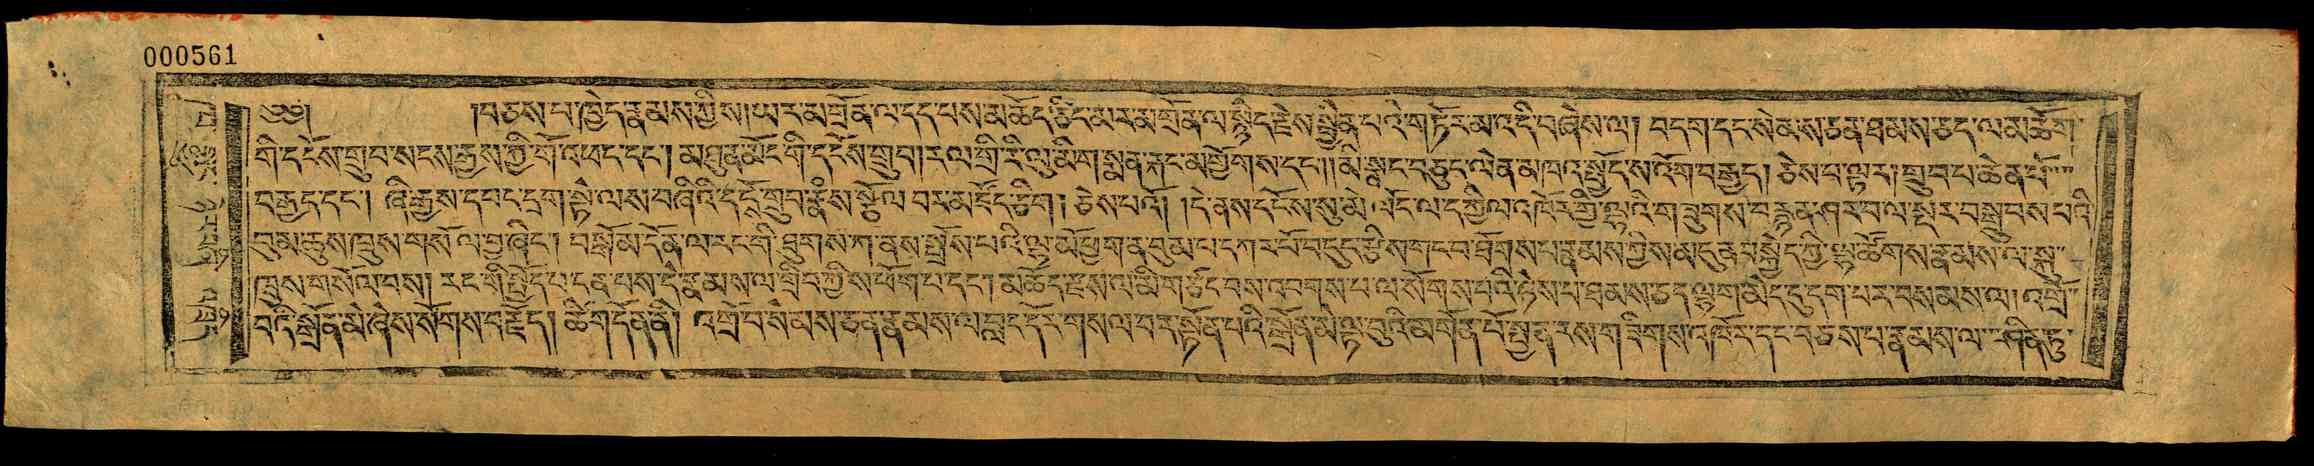༄༅། །བཅས་པ་ཁྱེད་རྣམས་ཀྱིས། ཡར་མགྲོན་ལ་དད་པས་མཆོད་ཅིང་མར་མགྲོན་ལ་སྙིང་རྗེས་སྦྱིན་པའི་གཏོར་མ་འདི་བཞས་ལ། བདག་དང་སེམས་ཅན་ཐམས་ཅད་ལ་མཆོག་
གི་དངོས་གྲུབ་སངས་རྒྱས་ཀྱི་གོ་འཕང་དང་། མཐུན་མོང་གི་དངོས་གྲུབ། རལ་གྲི་རི་ལུ་མིག་སྨན་རྐང་མགྱོགས་དང་། །མི་སྣང་བཅུད་ལེན་མཁའ་སྤྱོད་ས་འོག་བརྒྱད། ཅེས་པ་ལྟར། གྲུབ་པ་ཆེན་པོ་
བརྒྱད་དང་། ཞི་རྒྱས་དབང་དྲག་སྟེ་ལས་བཞིའི་དངོས་གྲུབ་རྣས་སྩོལ་བར་མཛོད་ཅིག །ཅེས་པའོ། །དེ་ནས་དངོས་སུ་མེ་ལོང་ལ་དཀྱིལ་འཁོར་གྱི་ལྷའི་གཟུགས་བརྙན་ཤར་བ་ལ་སྔར་བསྒྲུབས་པའི་
བུམ་ཆུས་ཁྲུས་གསོལ་བྱ་ཞིང་། བསྒོམ་དོན་ལ་རང་གི་ཐུགས་ཀ་ནས་སྤྲོས་པའི་ལྷ་མོ་ཕྱག་ན་བུམ་པ་དཀར་པོ་བདུད་རྩིས་གང་བ་ཐོགས་པ་རྣམས་ཀྱིས་མདུན་བསྐྱེད་ཀྱི་ལྷ་ཚོགས་རྣམས་ལ་སྐུ་
ཁྲུས་གསོལ་བས། རང་གི་སྤྱོད་པ་ངན་པས་དེ་རྣམས་ལ་གྲིབ་ཀྱིས་ཕོག་པ་དང་། མཆོད་རྫས་ལ་མི་གཙང་བས་འབགས་པ་ལ་སོགས་པའི་ཉེས་པ་ཐམས་ཅད་ལྷག་མེད་དུ་དག་པར་བསམས་ལ། འགྲོ་
བའི་སྒྲོན་མ་ཞེས་སོགས་བརྗོད། ཚིག་དོན་ནི། འགྲོ་བ་སེམས་ཅན་རྣམས་ལ་བླང་དོར་གསལ་བར་སྟོན་པའི་སྒྲོན་མེ་ལྟ་བུའི་མགོན་པོ་སྤྱན་རས་གཟིགས་འཁོར་དང་བཅས་པ་རྣམས་ལ། ཤིན་ཏུ་